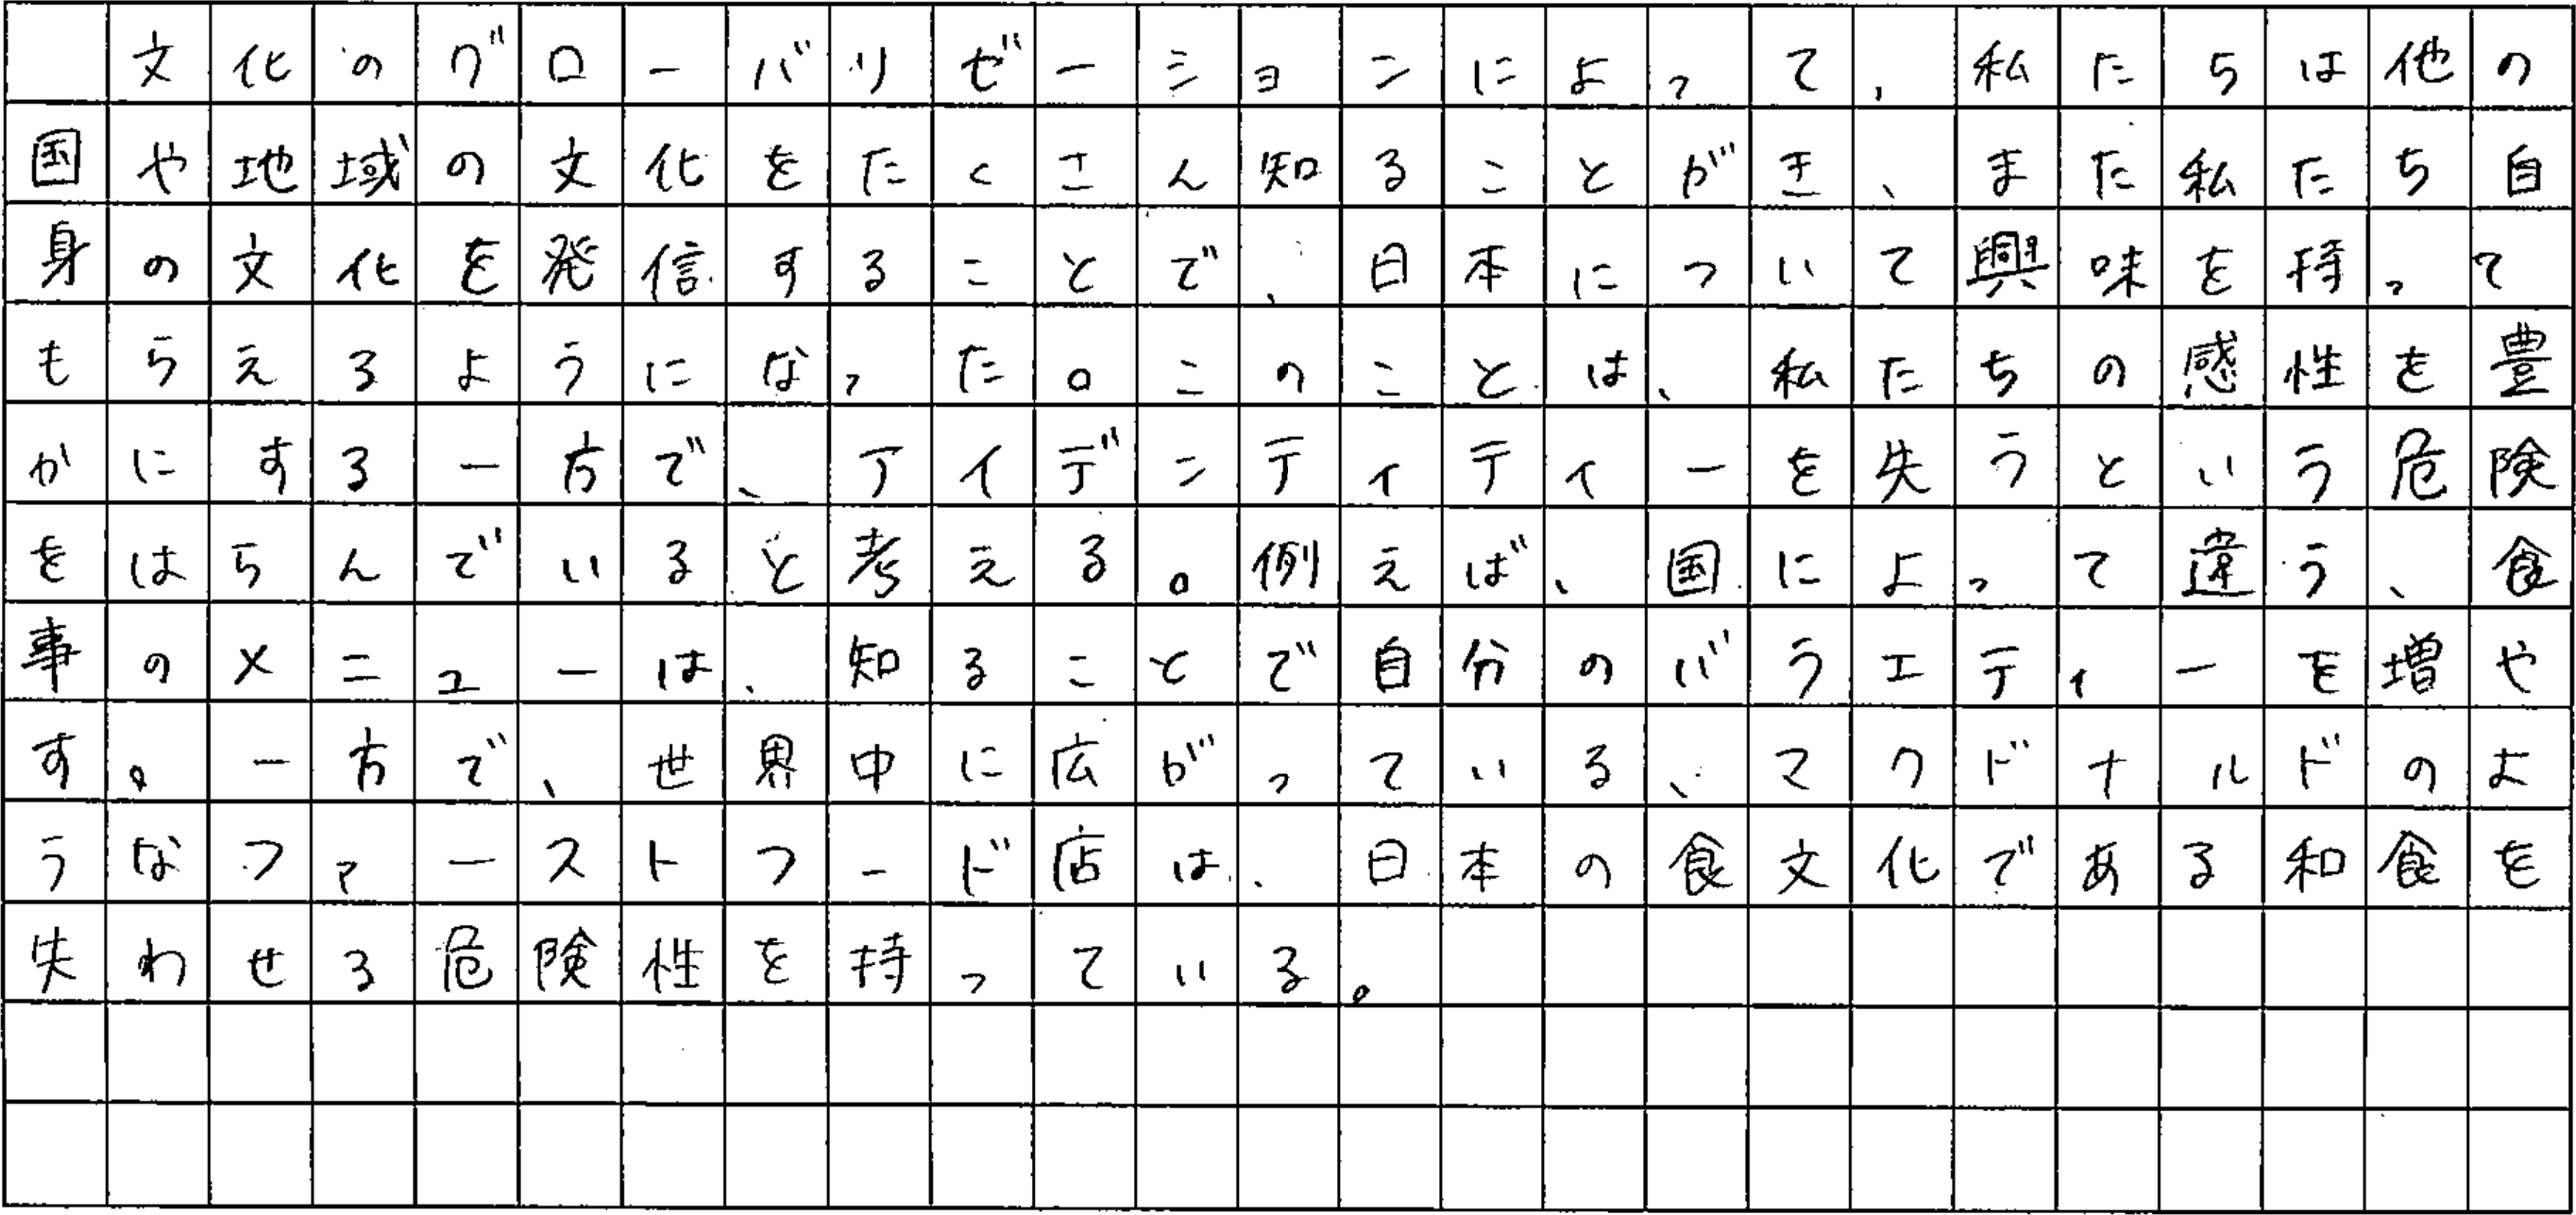　文化のグローバリゼーションによって、私たちは他の国や地域の文化をたくさん知ることがき、また私たち自身の文化を発信することで、日本について興味を持ってもらえるようになった。このことは、私たちの感性を豊かにする一方で、アイデンティティーを失うという危険をはらんでいると考える。例えば、国によって違う、食事のメニューは、知ることで自分のバラエティーを増やす。一方で、世界中に広がっている、マクドナルドのようなファーストフード店は、日本の食文化である和食を失わせる危険性を持っている。
